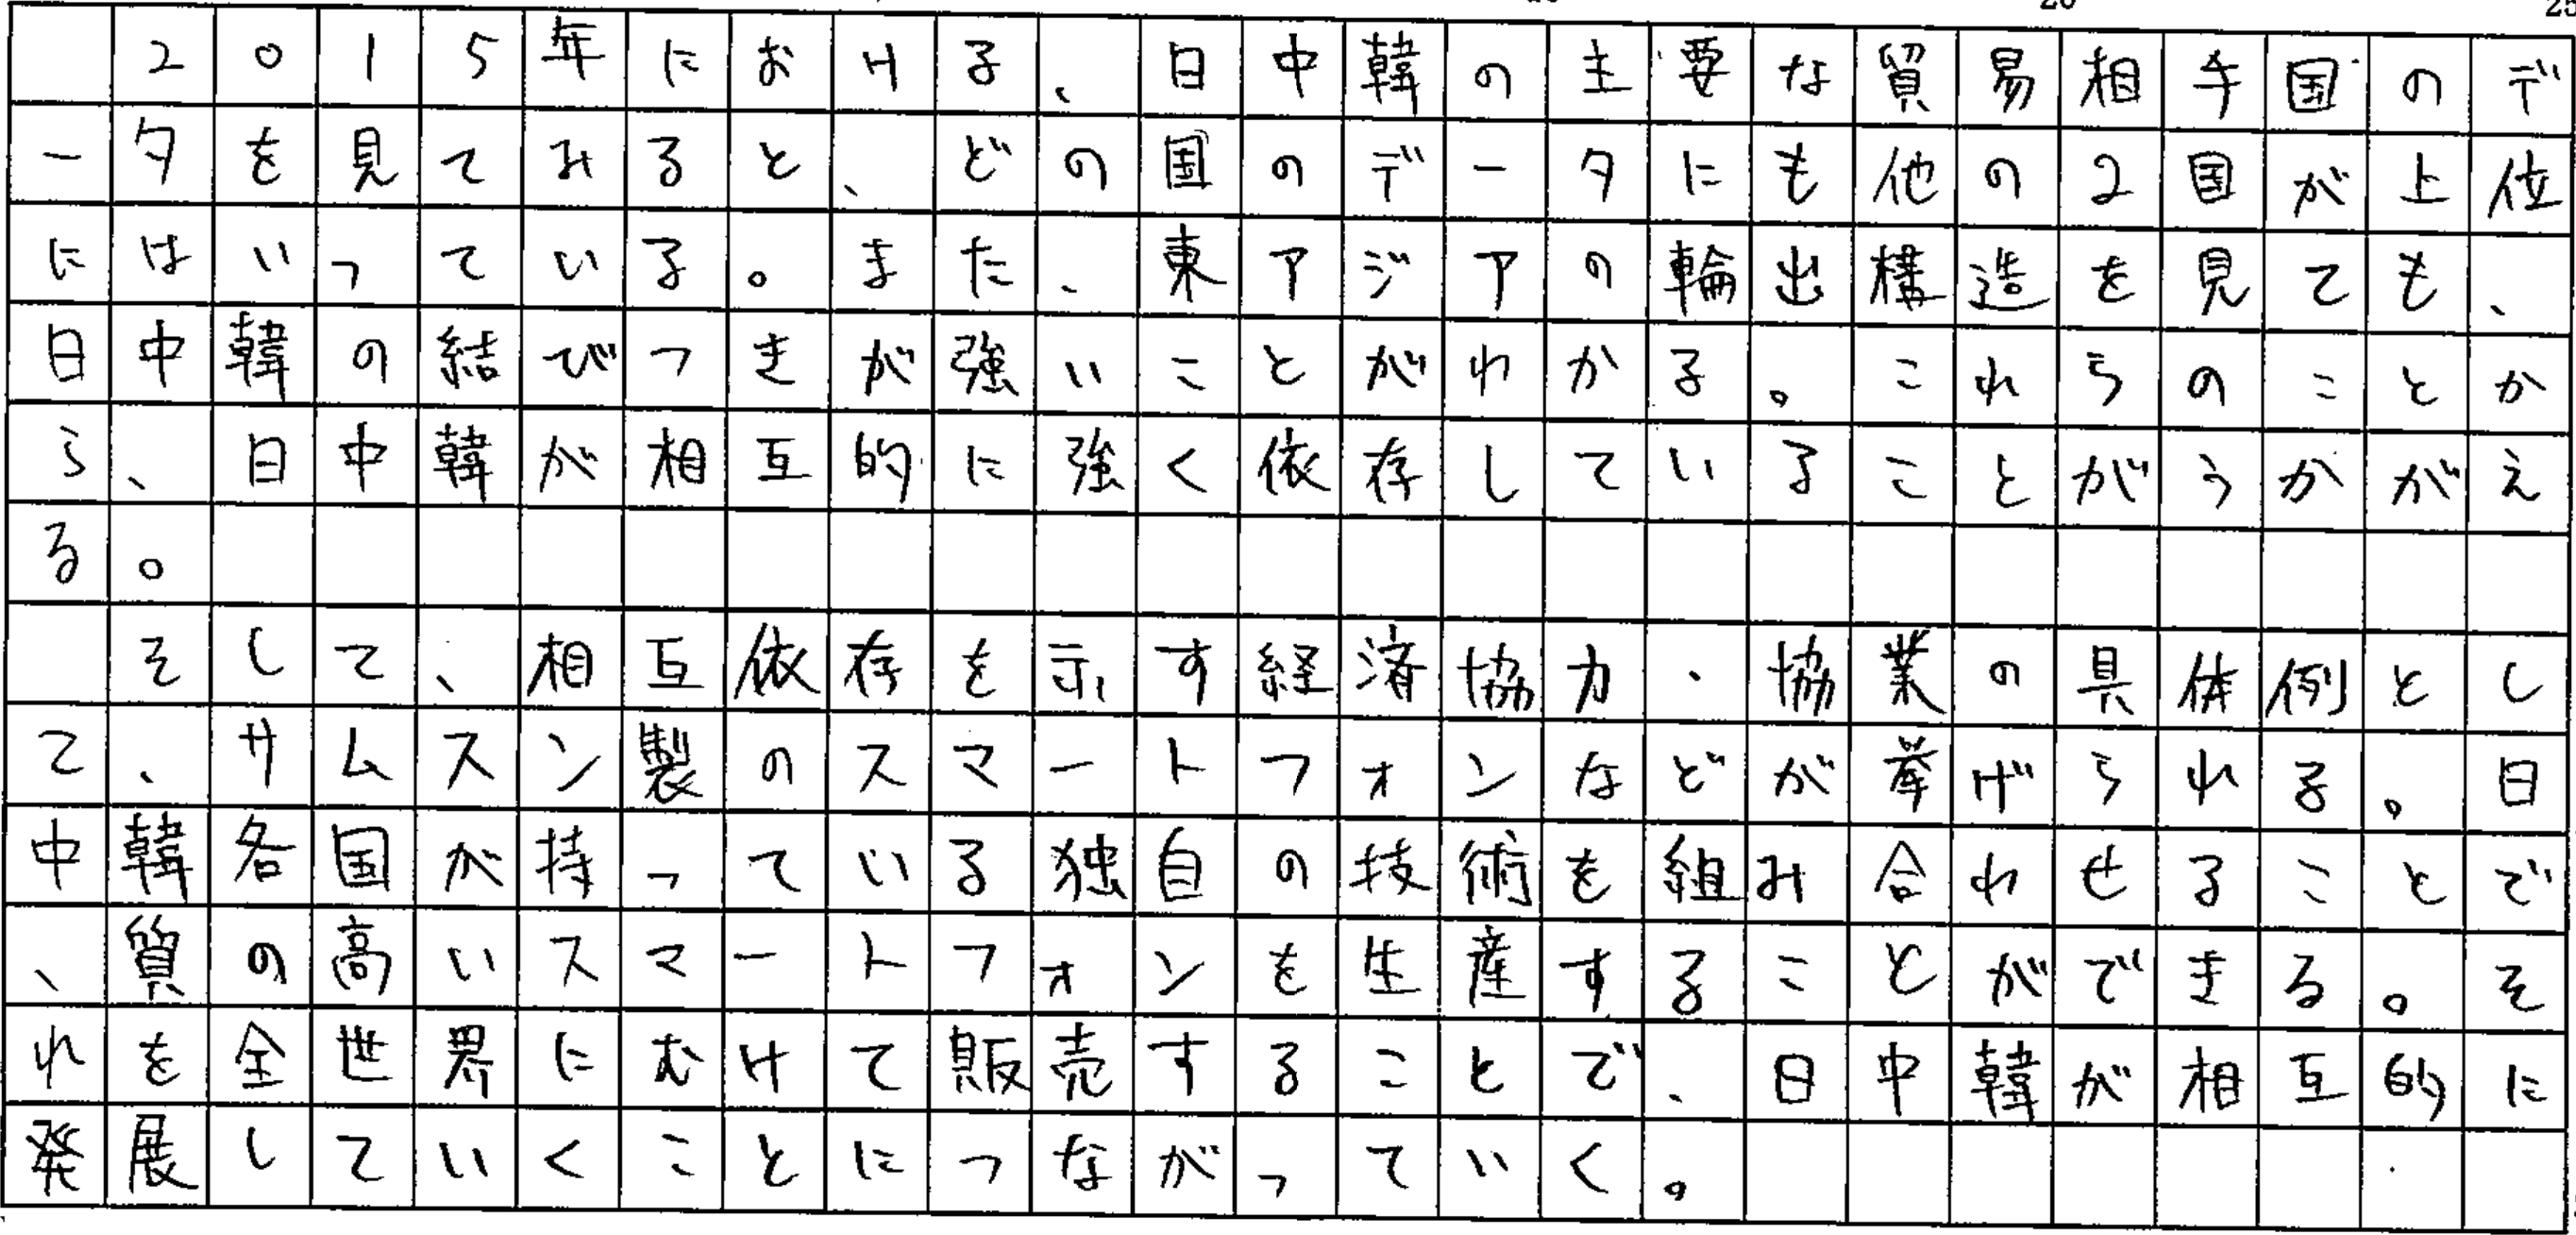　２０１５年における、日中韓の主要な貿易相手国のデータを見てみると、どの国のデータにも他の２国が上位にはいっている。また、東アジアの輪出構造を見ても、日中韓の結びつきが強いことがわかる。これらのことから、日中韓が相互的に強く依存していることがうかがえる。
　そして、相互依存を示す経済協力・協業の具体例として、サムスン製のスマートフォンなどが挙げられる。日中韓各国が持っている独自の技術を組み合わせることで、質の高いスマートフォンを生産することができる。それを全世界にむけて販売することで、日中韓が相互的に発展していくことにつながっていく。
